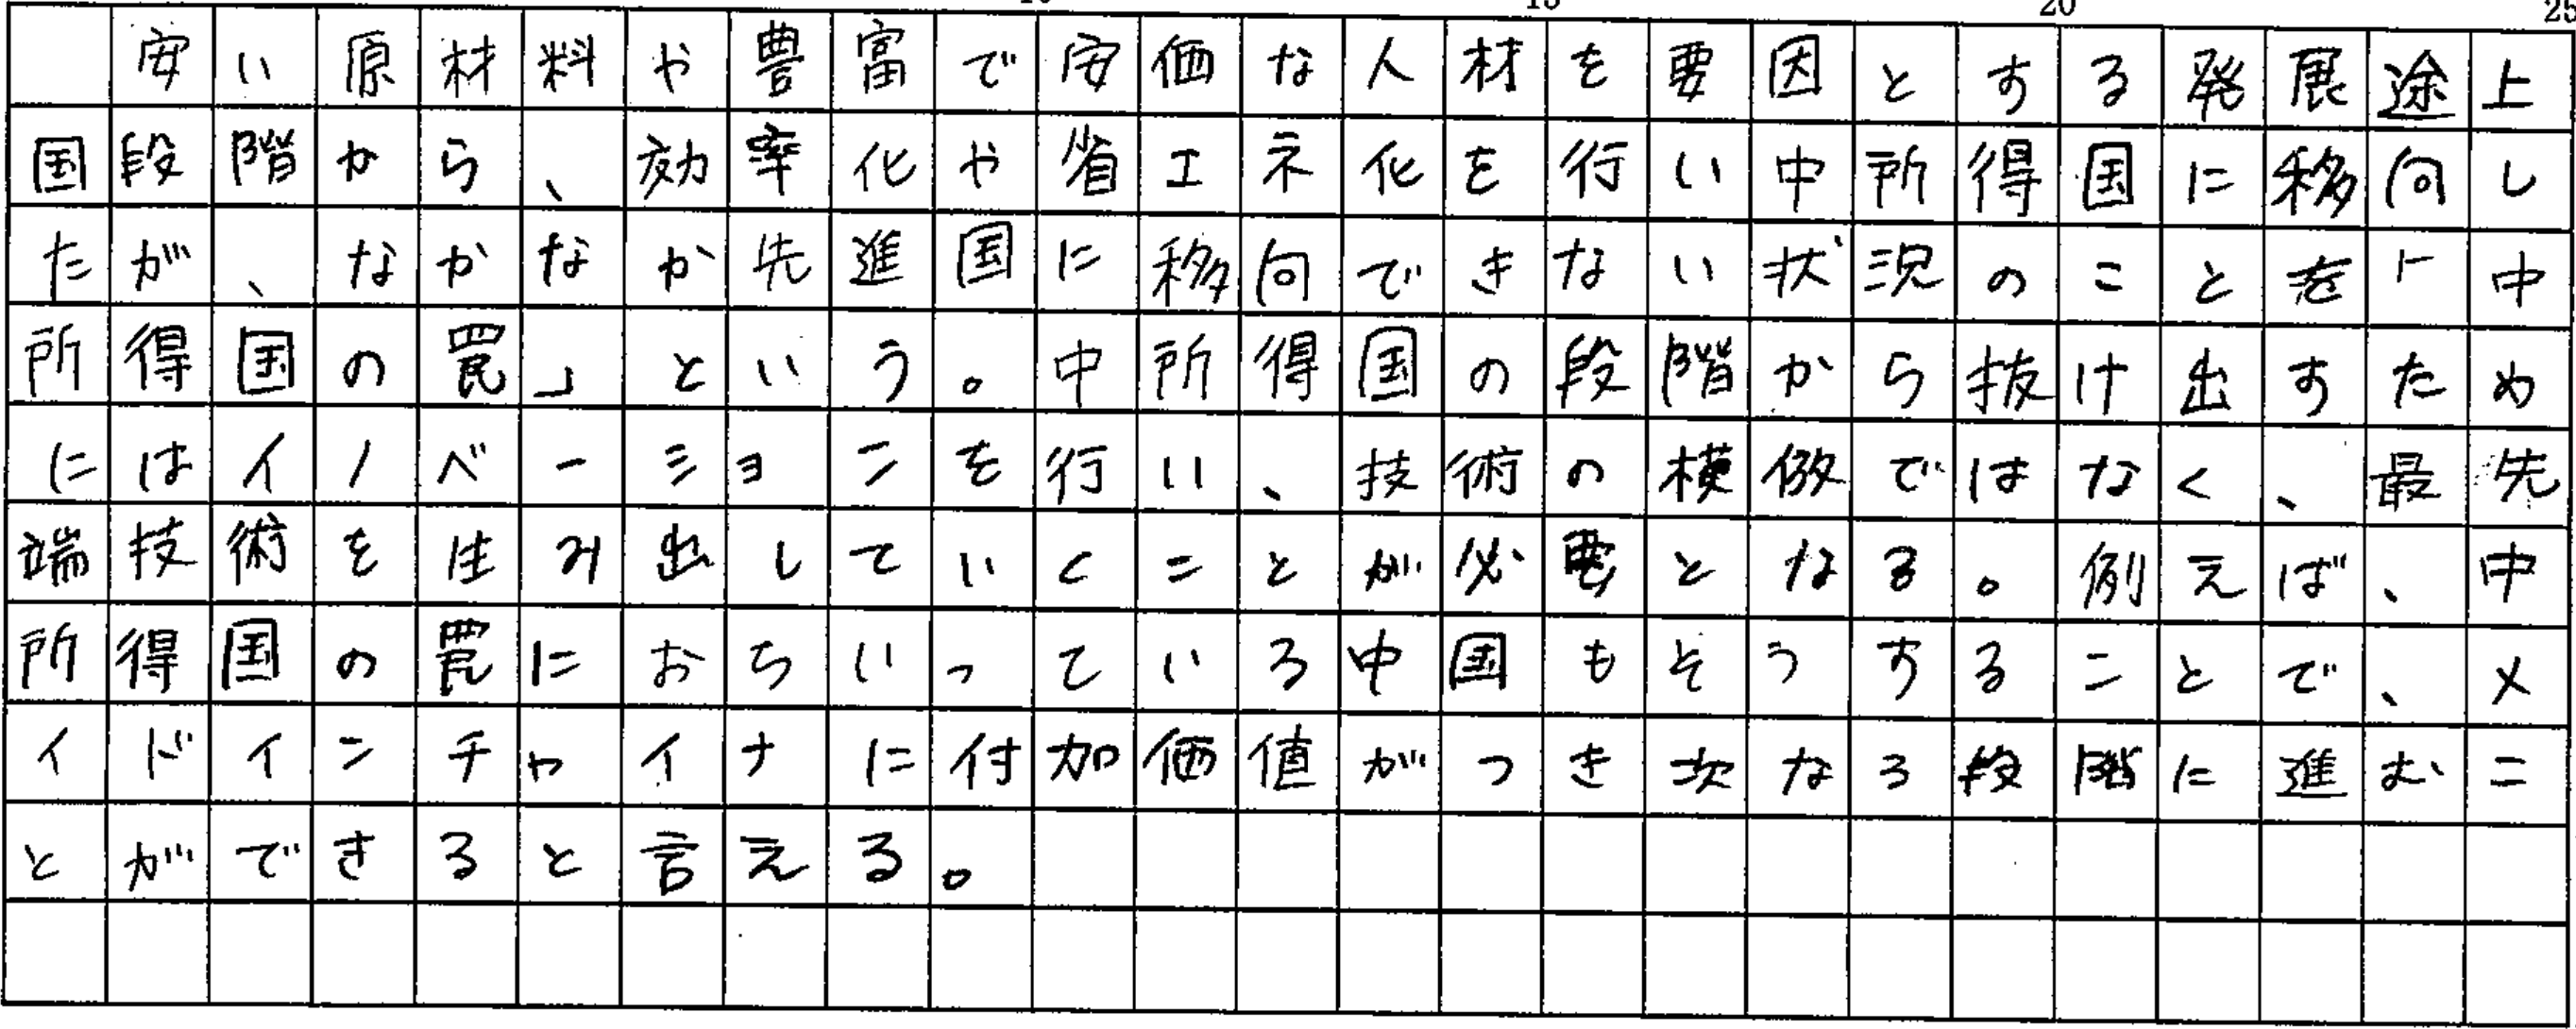　安い原材料や豊富で安価な人材を要因とする発展途上国段階から、効率化や省エネ化を行い中所得国に移向したが、なかなか先進国に移向できない状況のことを「中所得国の罠」という。中所得国の段階から抜け出すためにはイノベーションを行い、技術の模倣ではなく、最先端技術を生み出していくことが必要となる。例えば、中所得国の罠におちいっている中国もそうすることで、メイドインチャイナに付加価値がつき次なる段階に進むことができると言える。
